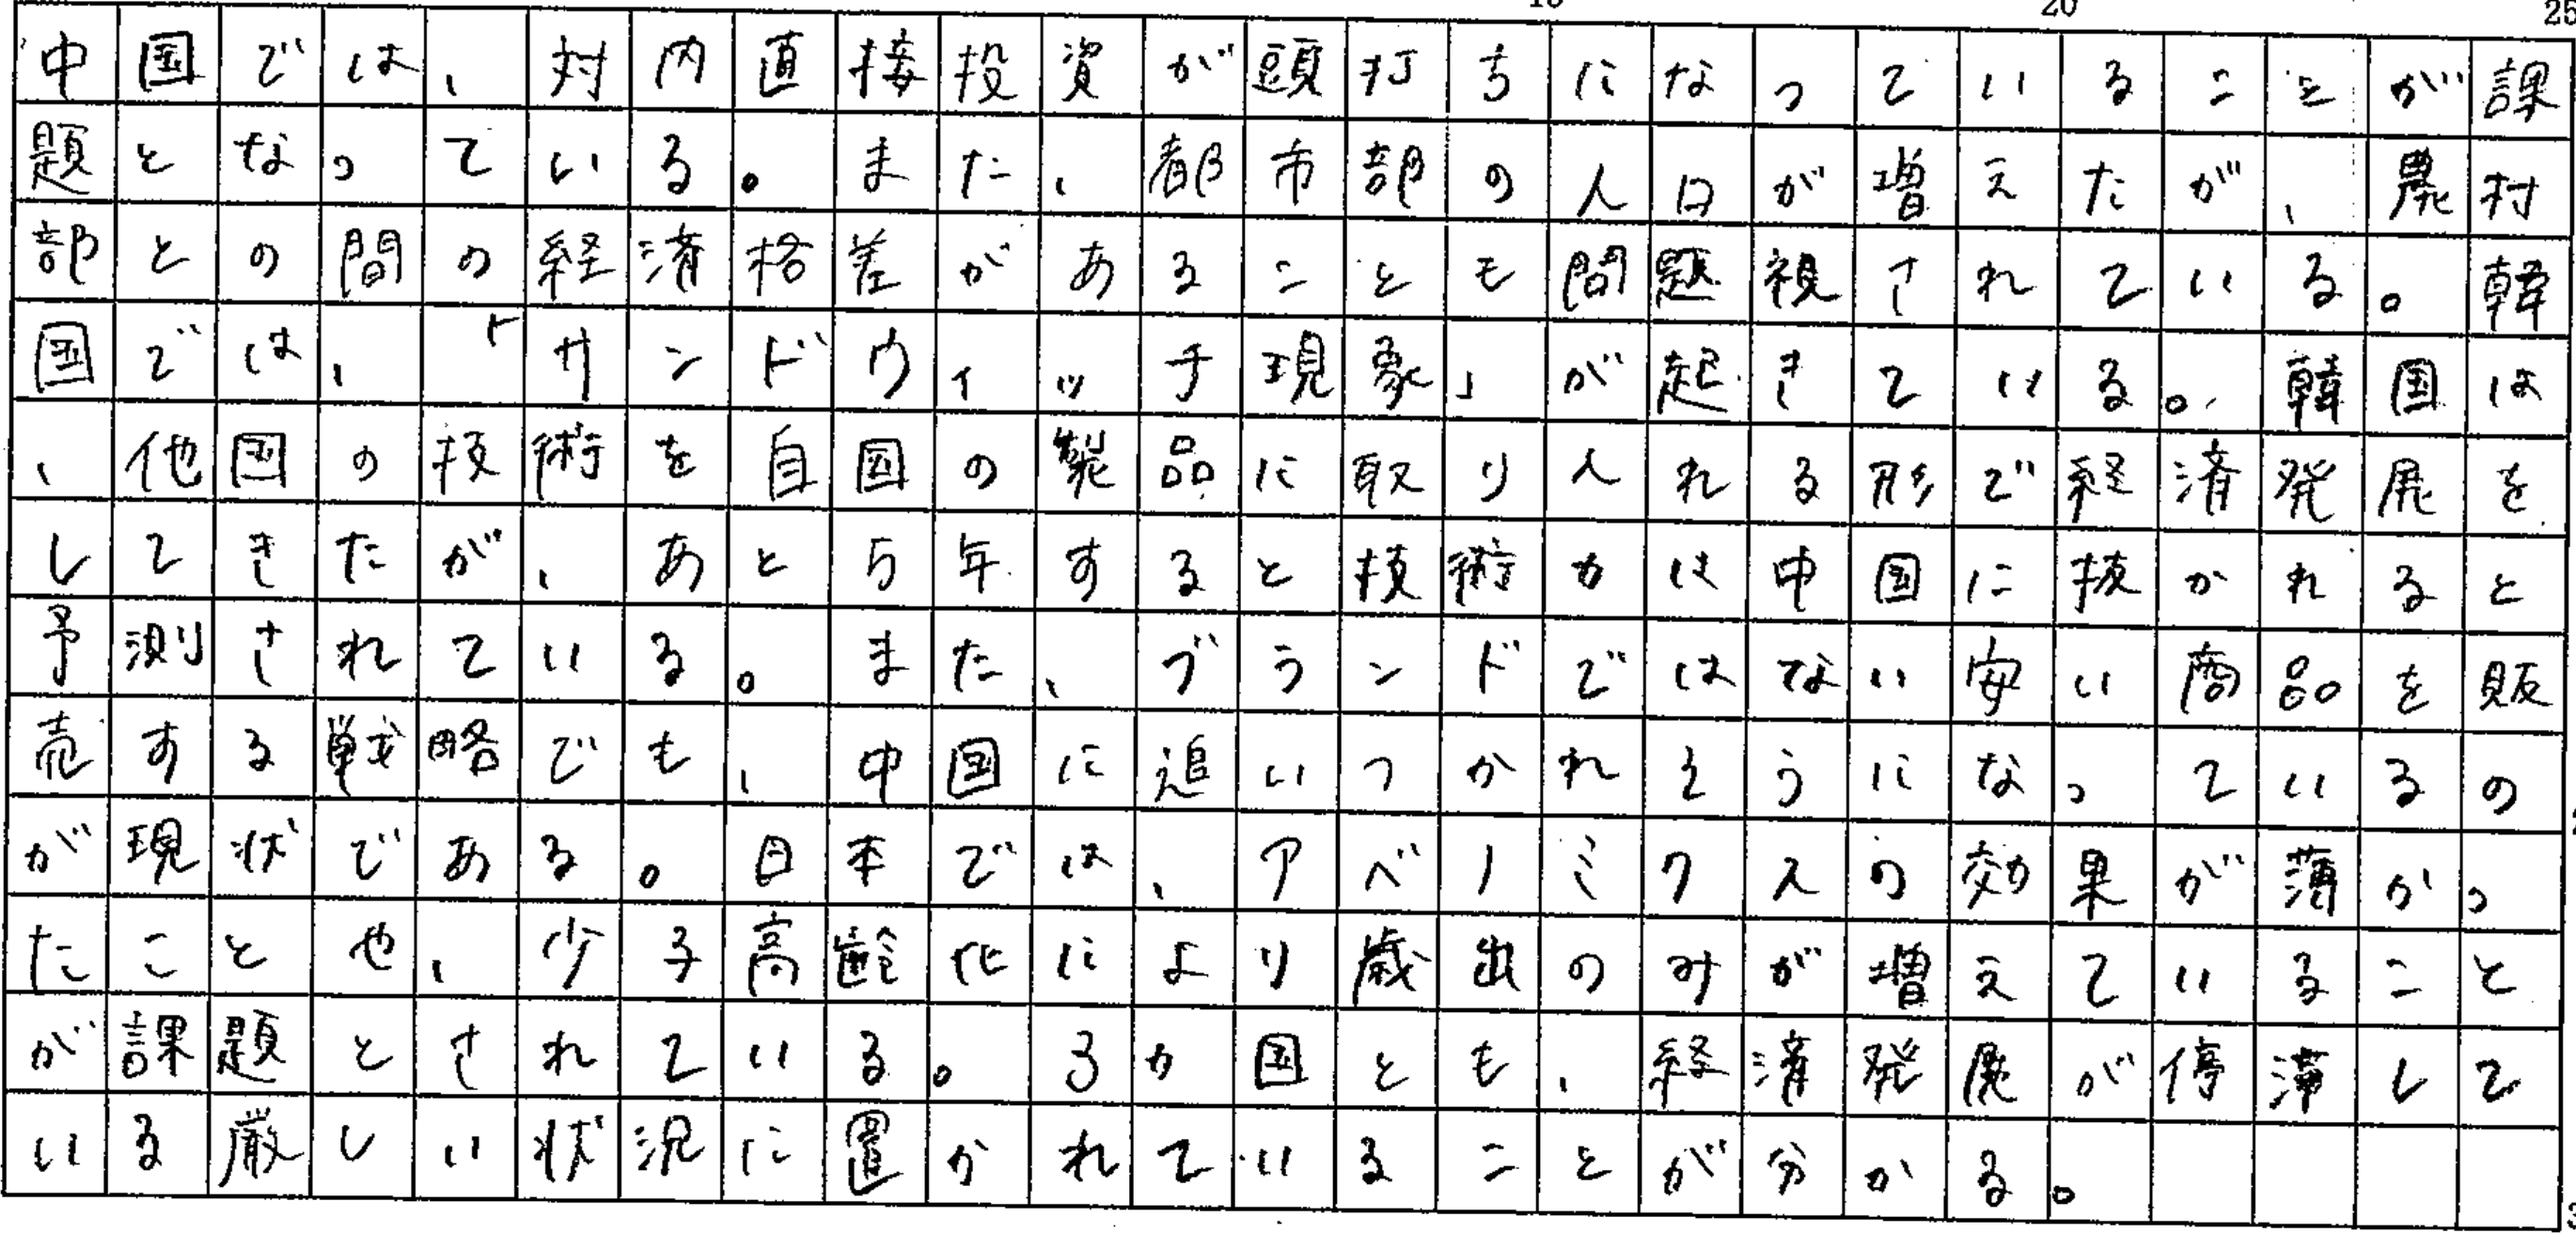中国では、対内直接投資が頭打ちになっていることが課題となっている。また、都市部の人口が増えたが、農村部との間の経済格差があることも問題視されている。韓国では、「サンドウィッチ現象」が起きている。韓国は、他国の技術を自国の製品に取り入れる形で経済発展をしてきたが、あと５年すると技術力は中国に抜かれると予測されている。また、ブランドではない安い商品を販売する戦略でも、中国に追いつかれそうになっているのが現状である。日本では、アベノミクスの効果が薄かったことや、少子高齢化により歳出のみが増えていることが課題とされている。３ヵ国とも、経済発展が停滞している厳しい状況に置かれていることが分かる。
